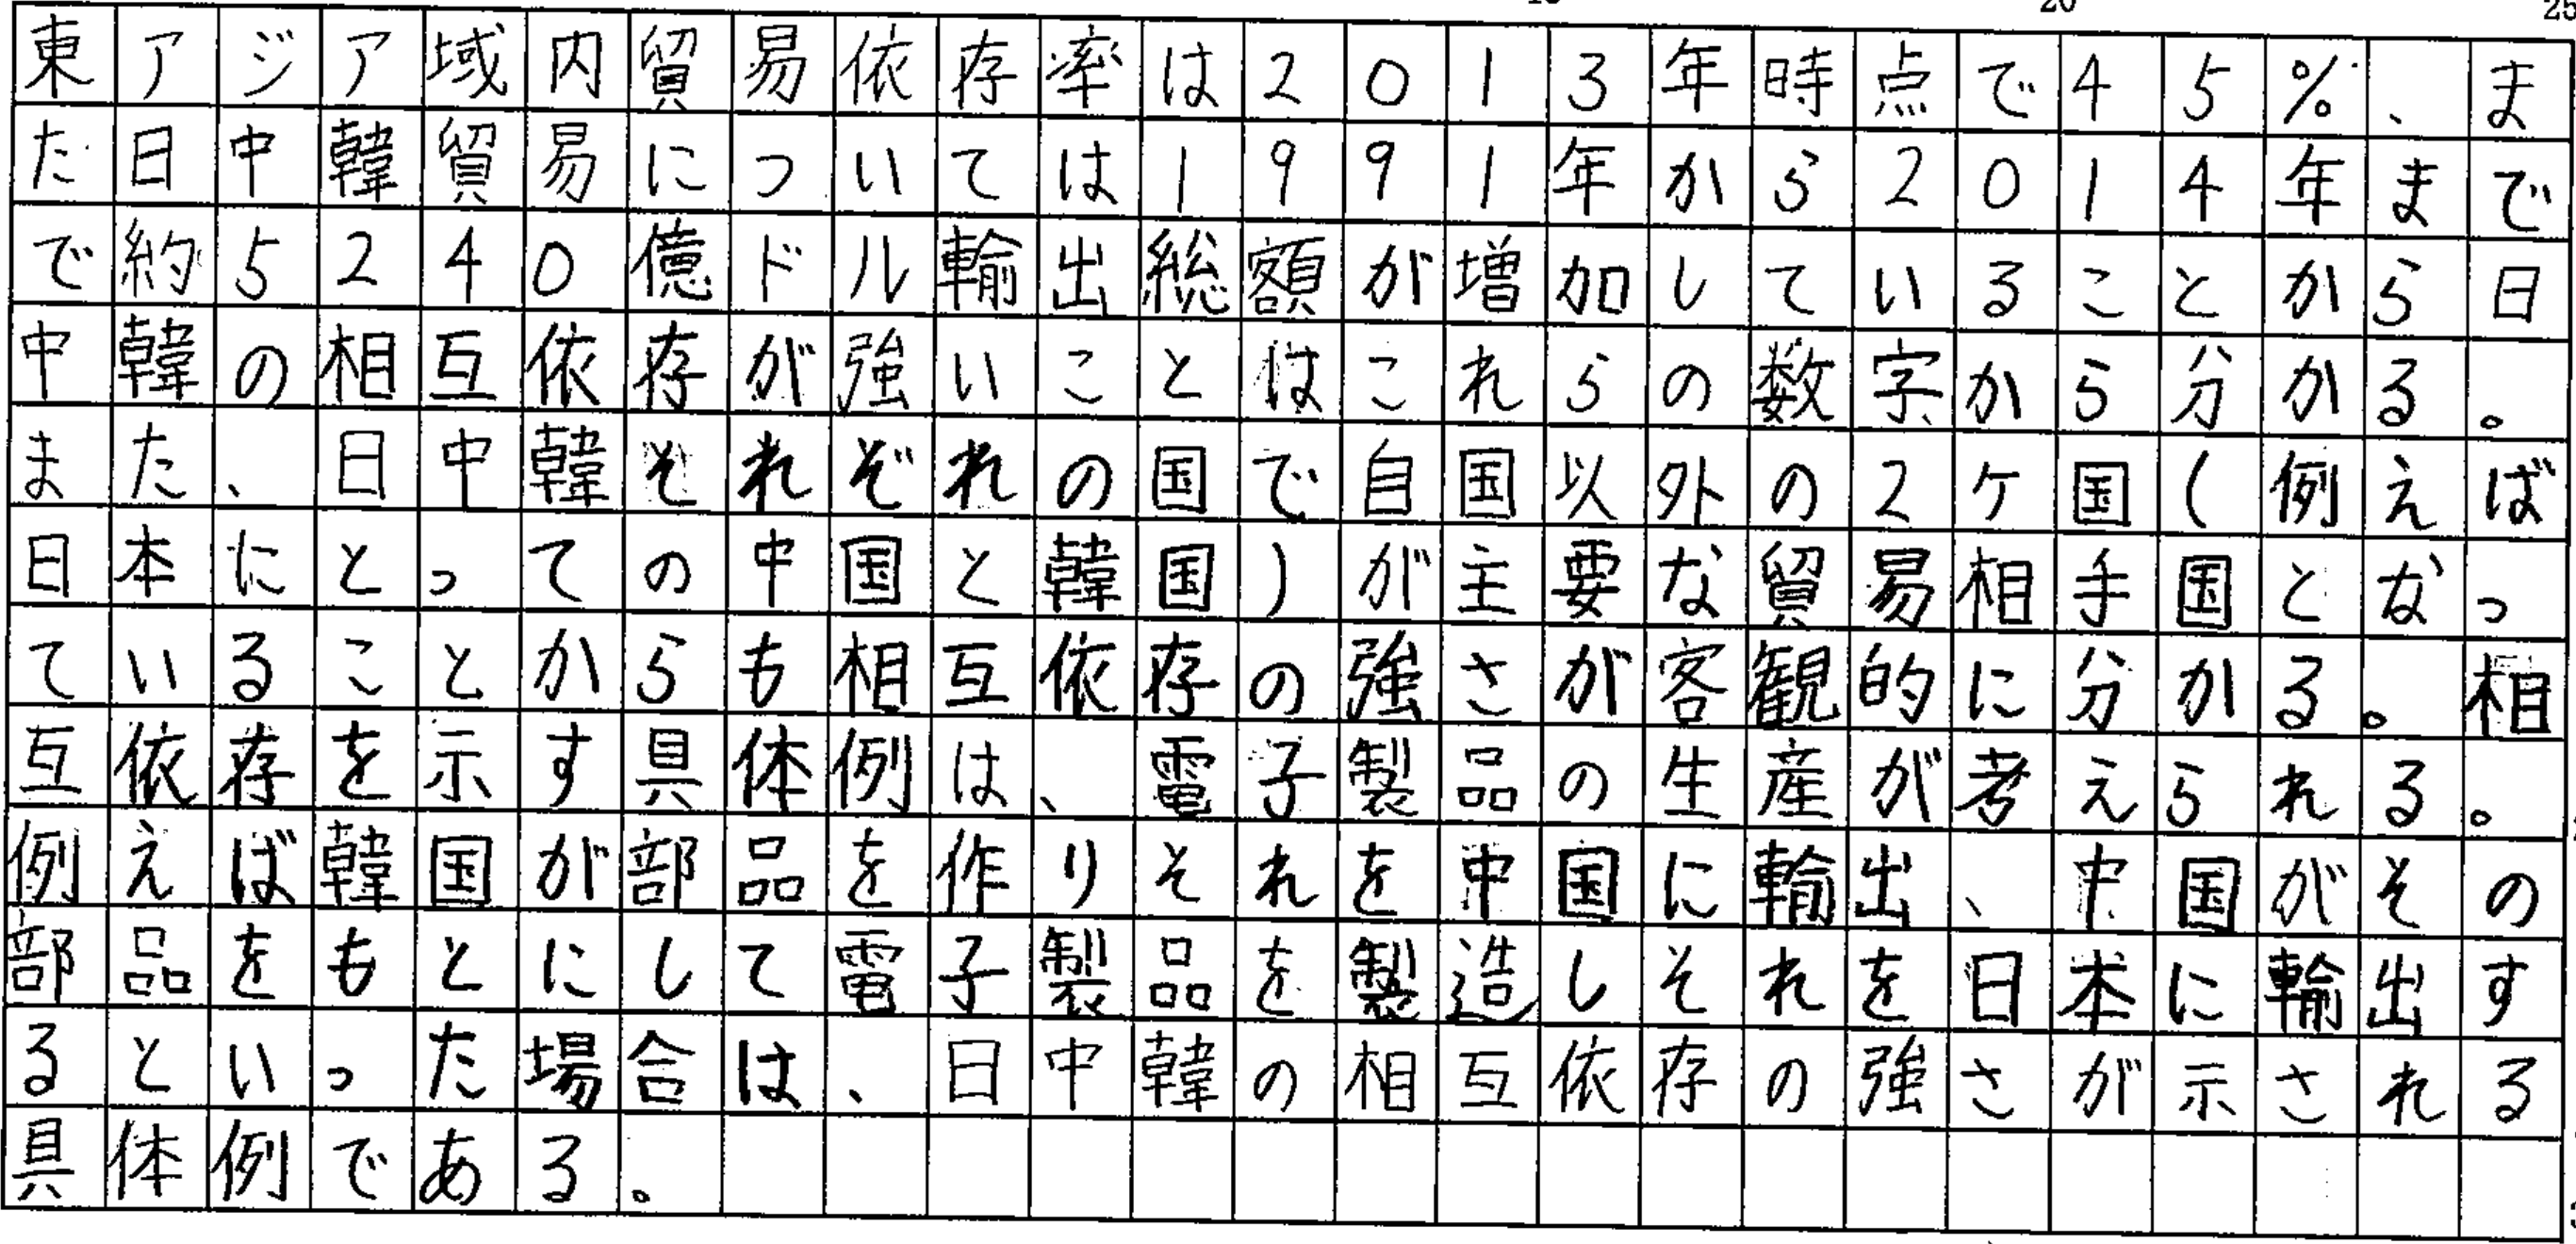東アジア域内貿易依存率は２０１３年時点で４５％、また日中韓貿易については１９９１年から２０１４年までで約５２４０億ドル輸出総額が増加していることから日中韓の相互依存が強いことはこれらの数字から分かる。また、日中韓それぞれの国で自国以外の２ケ国（例えば日本にとっての中国と韓国）が主要な貿易相手国となっていることからも相互依存の強さが客観的に分かる。相互依存を示す具体例は、電子製品の生産が考えられる。例えば韓国が部品を作りそれを中国に輸出、中国がその部品をもとにして電子製品を製造しそれを日本に輸出するといった場合は、日中韓の相互依存の強さが示される具体例である。
